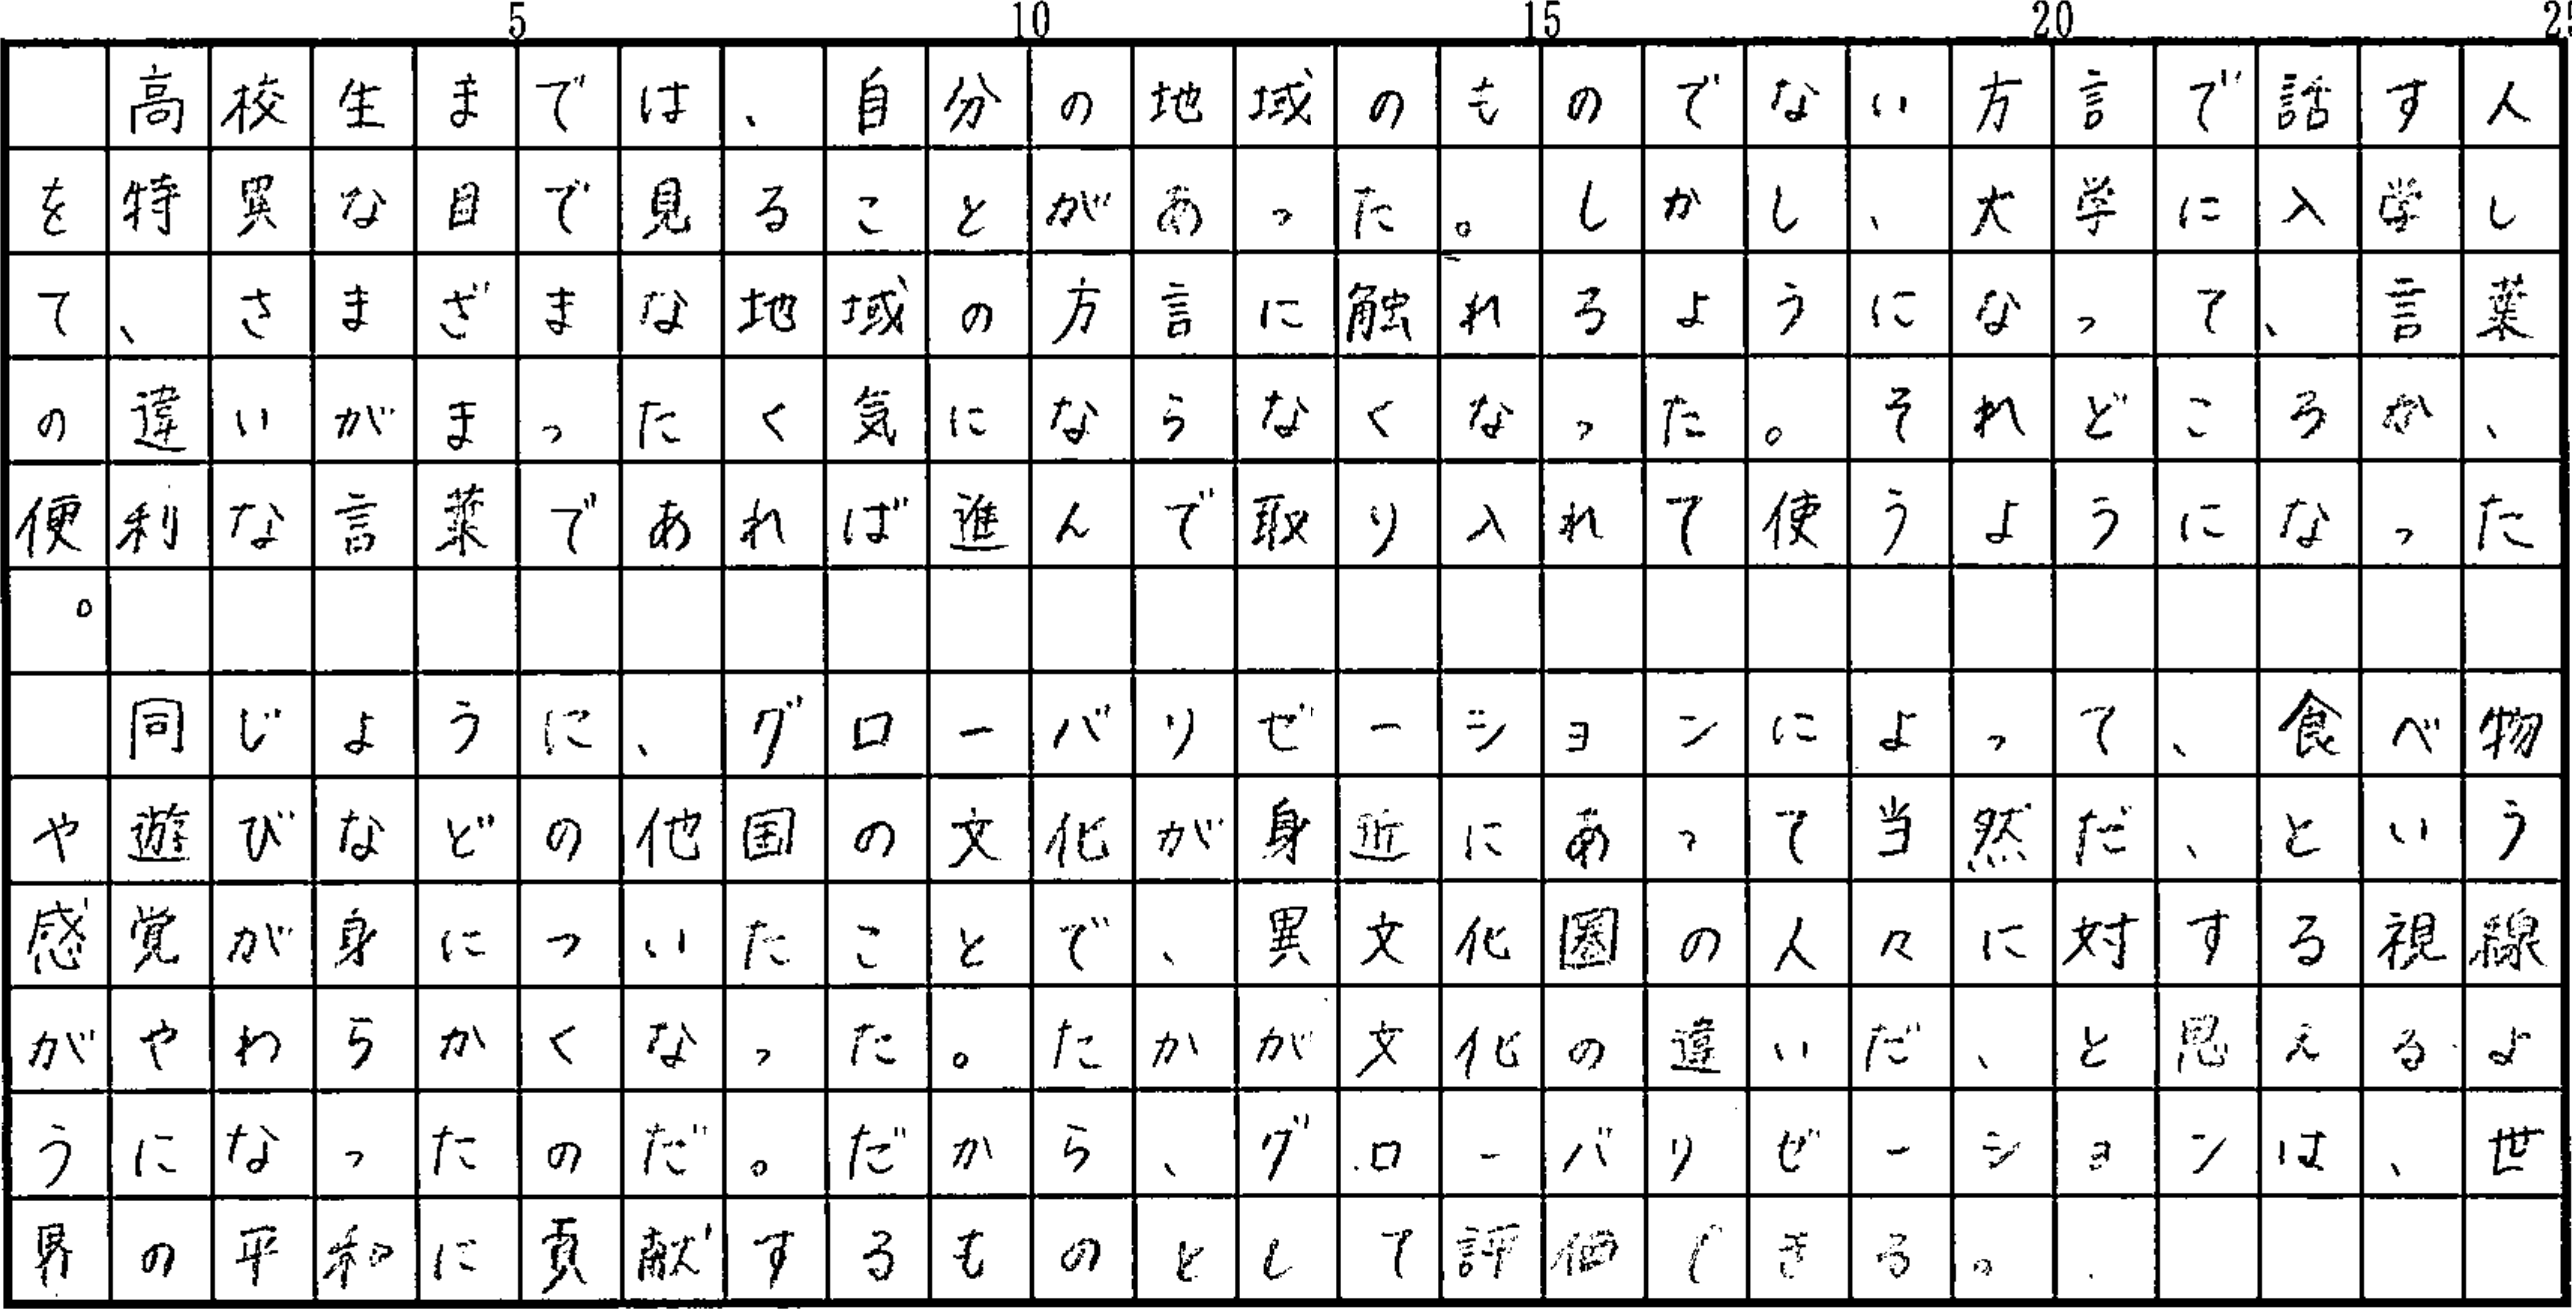　高校生までは、自分の地域のものではない方言で話す人を特異な目で見ることがあった。しかし、大学に入学して、さまざまな地域の方言に触れるようになって、言葉の違いがまったく気にならなくなった。それどころか、便利な言葉であれば進んで取り入れて使うようになった。
　同じように、グローバリゼーションによって、食べ物や遊びなどの他国の文化が身近にあって当然だ、という感覚が身についたことで、異文化圏の人々に対する視線がやわらかくなった。たかが文化の違いだ、と思えるようになったのだ。だから、グローバリゼーションは、世界の平和に貢献するものとして評価できる。
